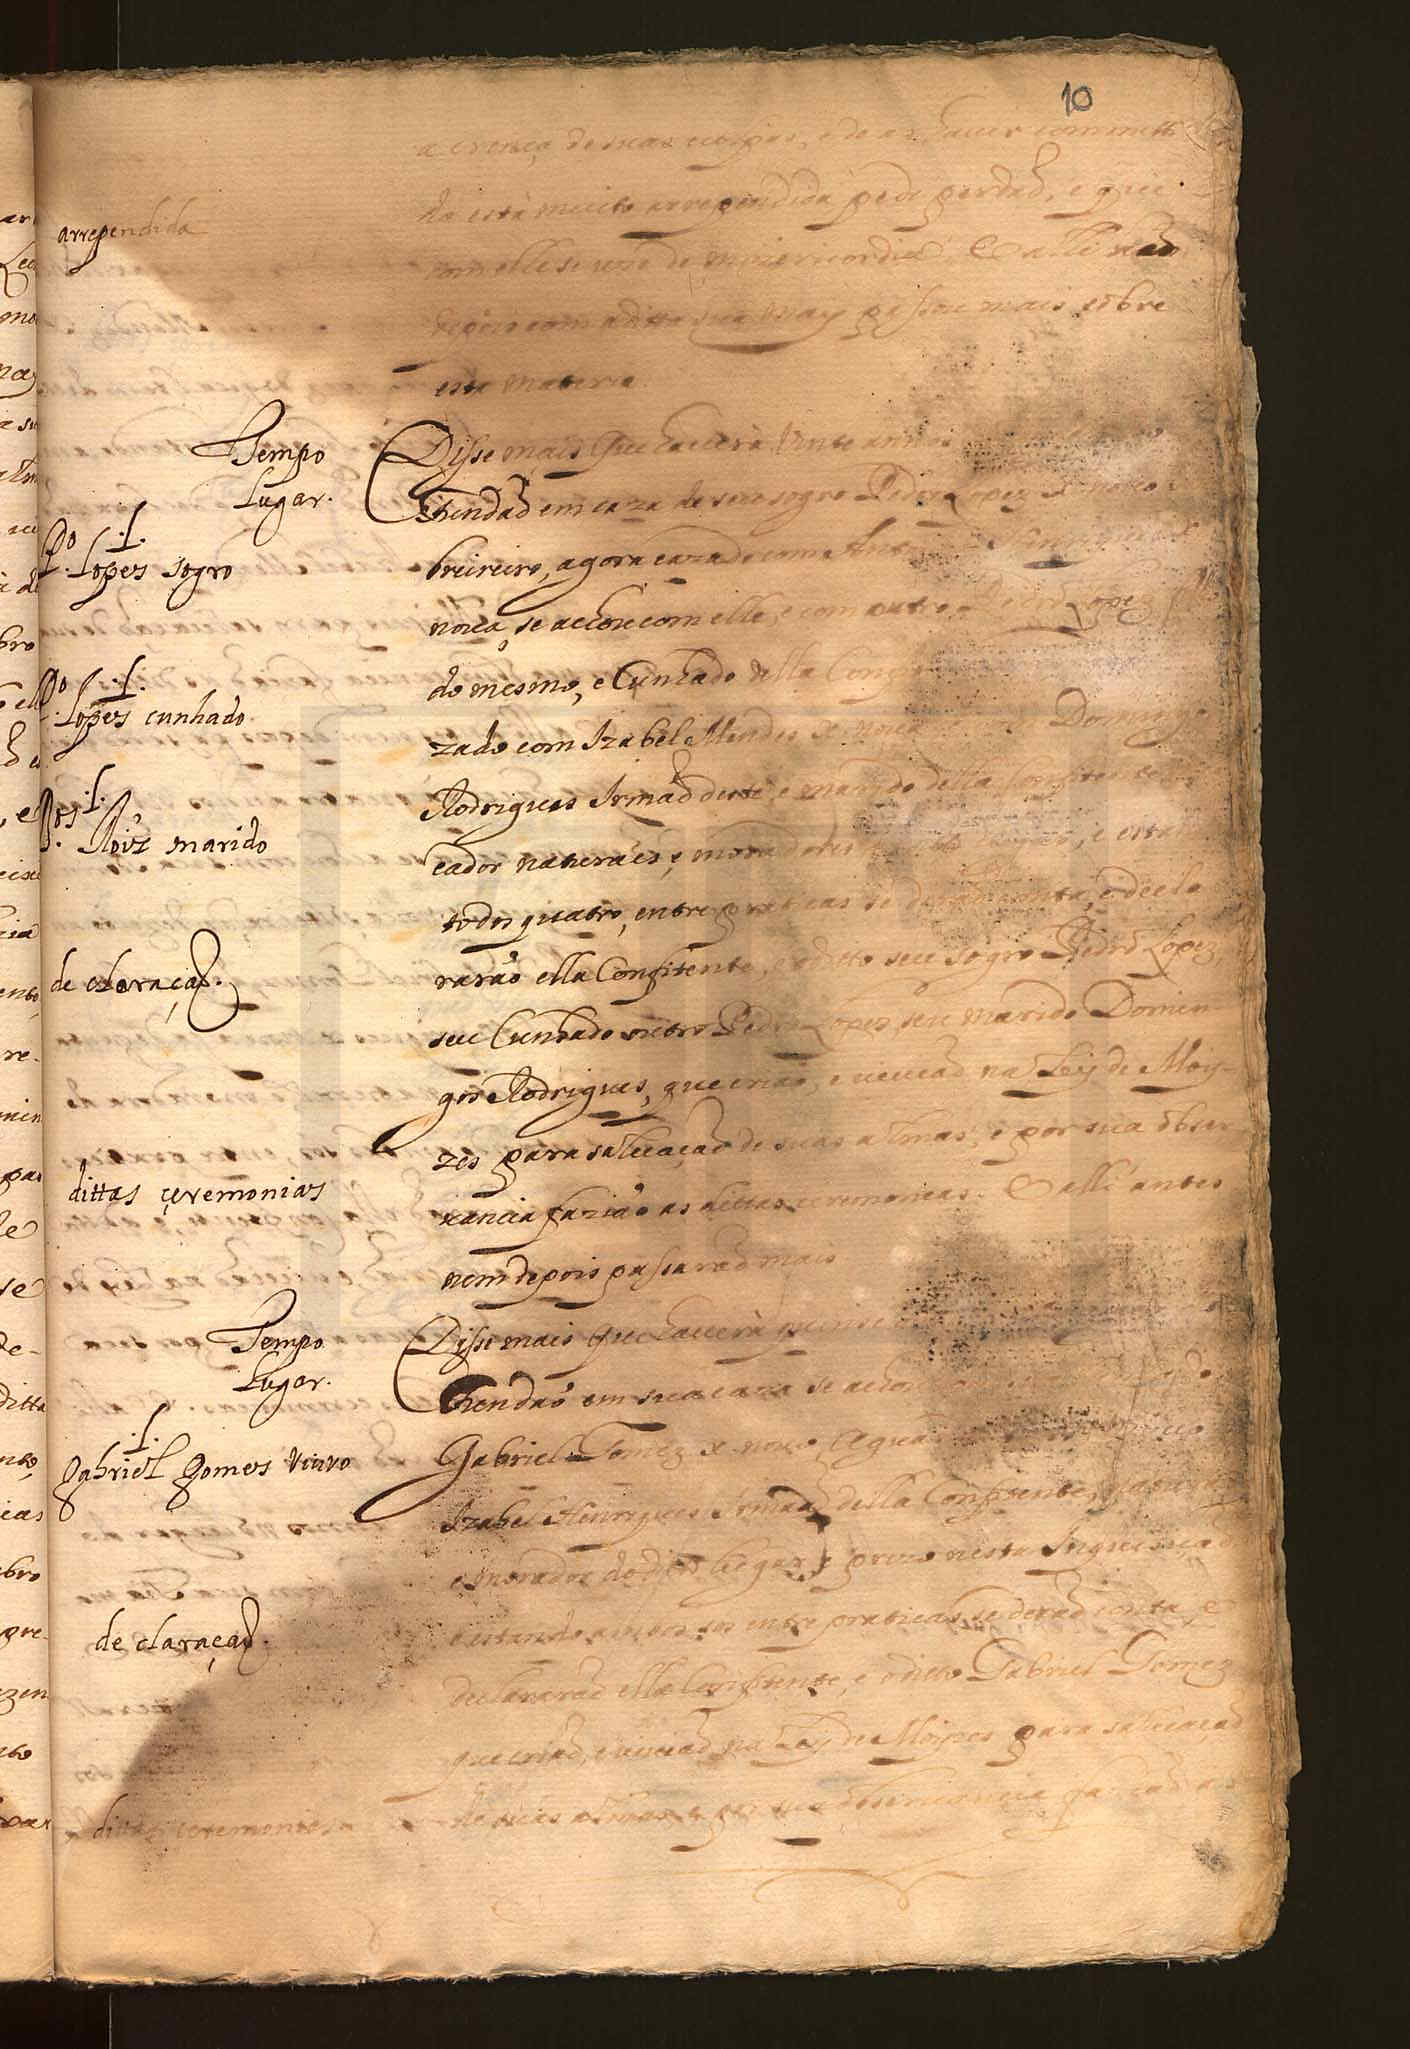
arrependida
Tempo
Lugar.
.L.
Po. Lopes sogro
.L.
Po. Lopes cunhado
.L.
D.os Roiz̄ marido
declaraçaõ.
dittas çeremonias
Tempo
Lugar.
.L.
Gabriel Gomes viuvo
declaraçaõ.
dittas ceremonias
a crença de suas culpas e de as hauer commetti
do està muito arrependida pede perdaõ e que
com elle se uze de mizericordia e alli naõ
depois com a ditta sua may passou mais sobre
esta materia.
Disse mais hauerà vinte annos
Fundaõ em caza de seu sogro Pedro lopes x nouo som
breireiro, agora cazado com Antonia Henriques x
noua, se achou com elle, e com outro Pedro Lopez filho
do mesmo, e Cunhado della Conp_
zado com Izabel Mendes x noua _ com Domingo
Rodrigues Irmaõ e marido della Confitente
cador naturaes, e moradores _ lugares, e estando
todos quatro, entre praticas se deraõ conta, e decla
raraõ ella Confitente, e o ditto seu sogro Pedro Lopez,
seu Cunhado outro Pedro Lopes, seu marido Domin
gos Rodrigues, que criaõ na Ley de Moy
zes para saluaçaõ de suas almas, e por sua obser
uancia faziaõ as dittas ceremonias. E alli antes
nem depois passaraõ mais
Disse mais que hauerà quinse a
Fundaõ em sua caza se achou
Gabriel Tomaz x nouo, agua
Izabel Henriques Irmaã della Confitente
e morador do dito lugar e prezo nesta Inquisiçaõ
e estando ambos sos entre praticas se deraõ conta, e
declararaõ ella Confitente, e o ditto Gabriel Gomez
que criaõ, e uiuiaõ na Ley de Moyzes para saluaçaõ
de suas almas e por sua obseruancia faziaõ as
